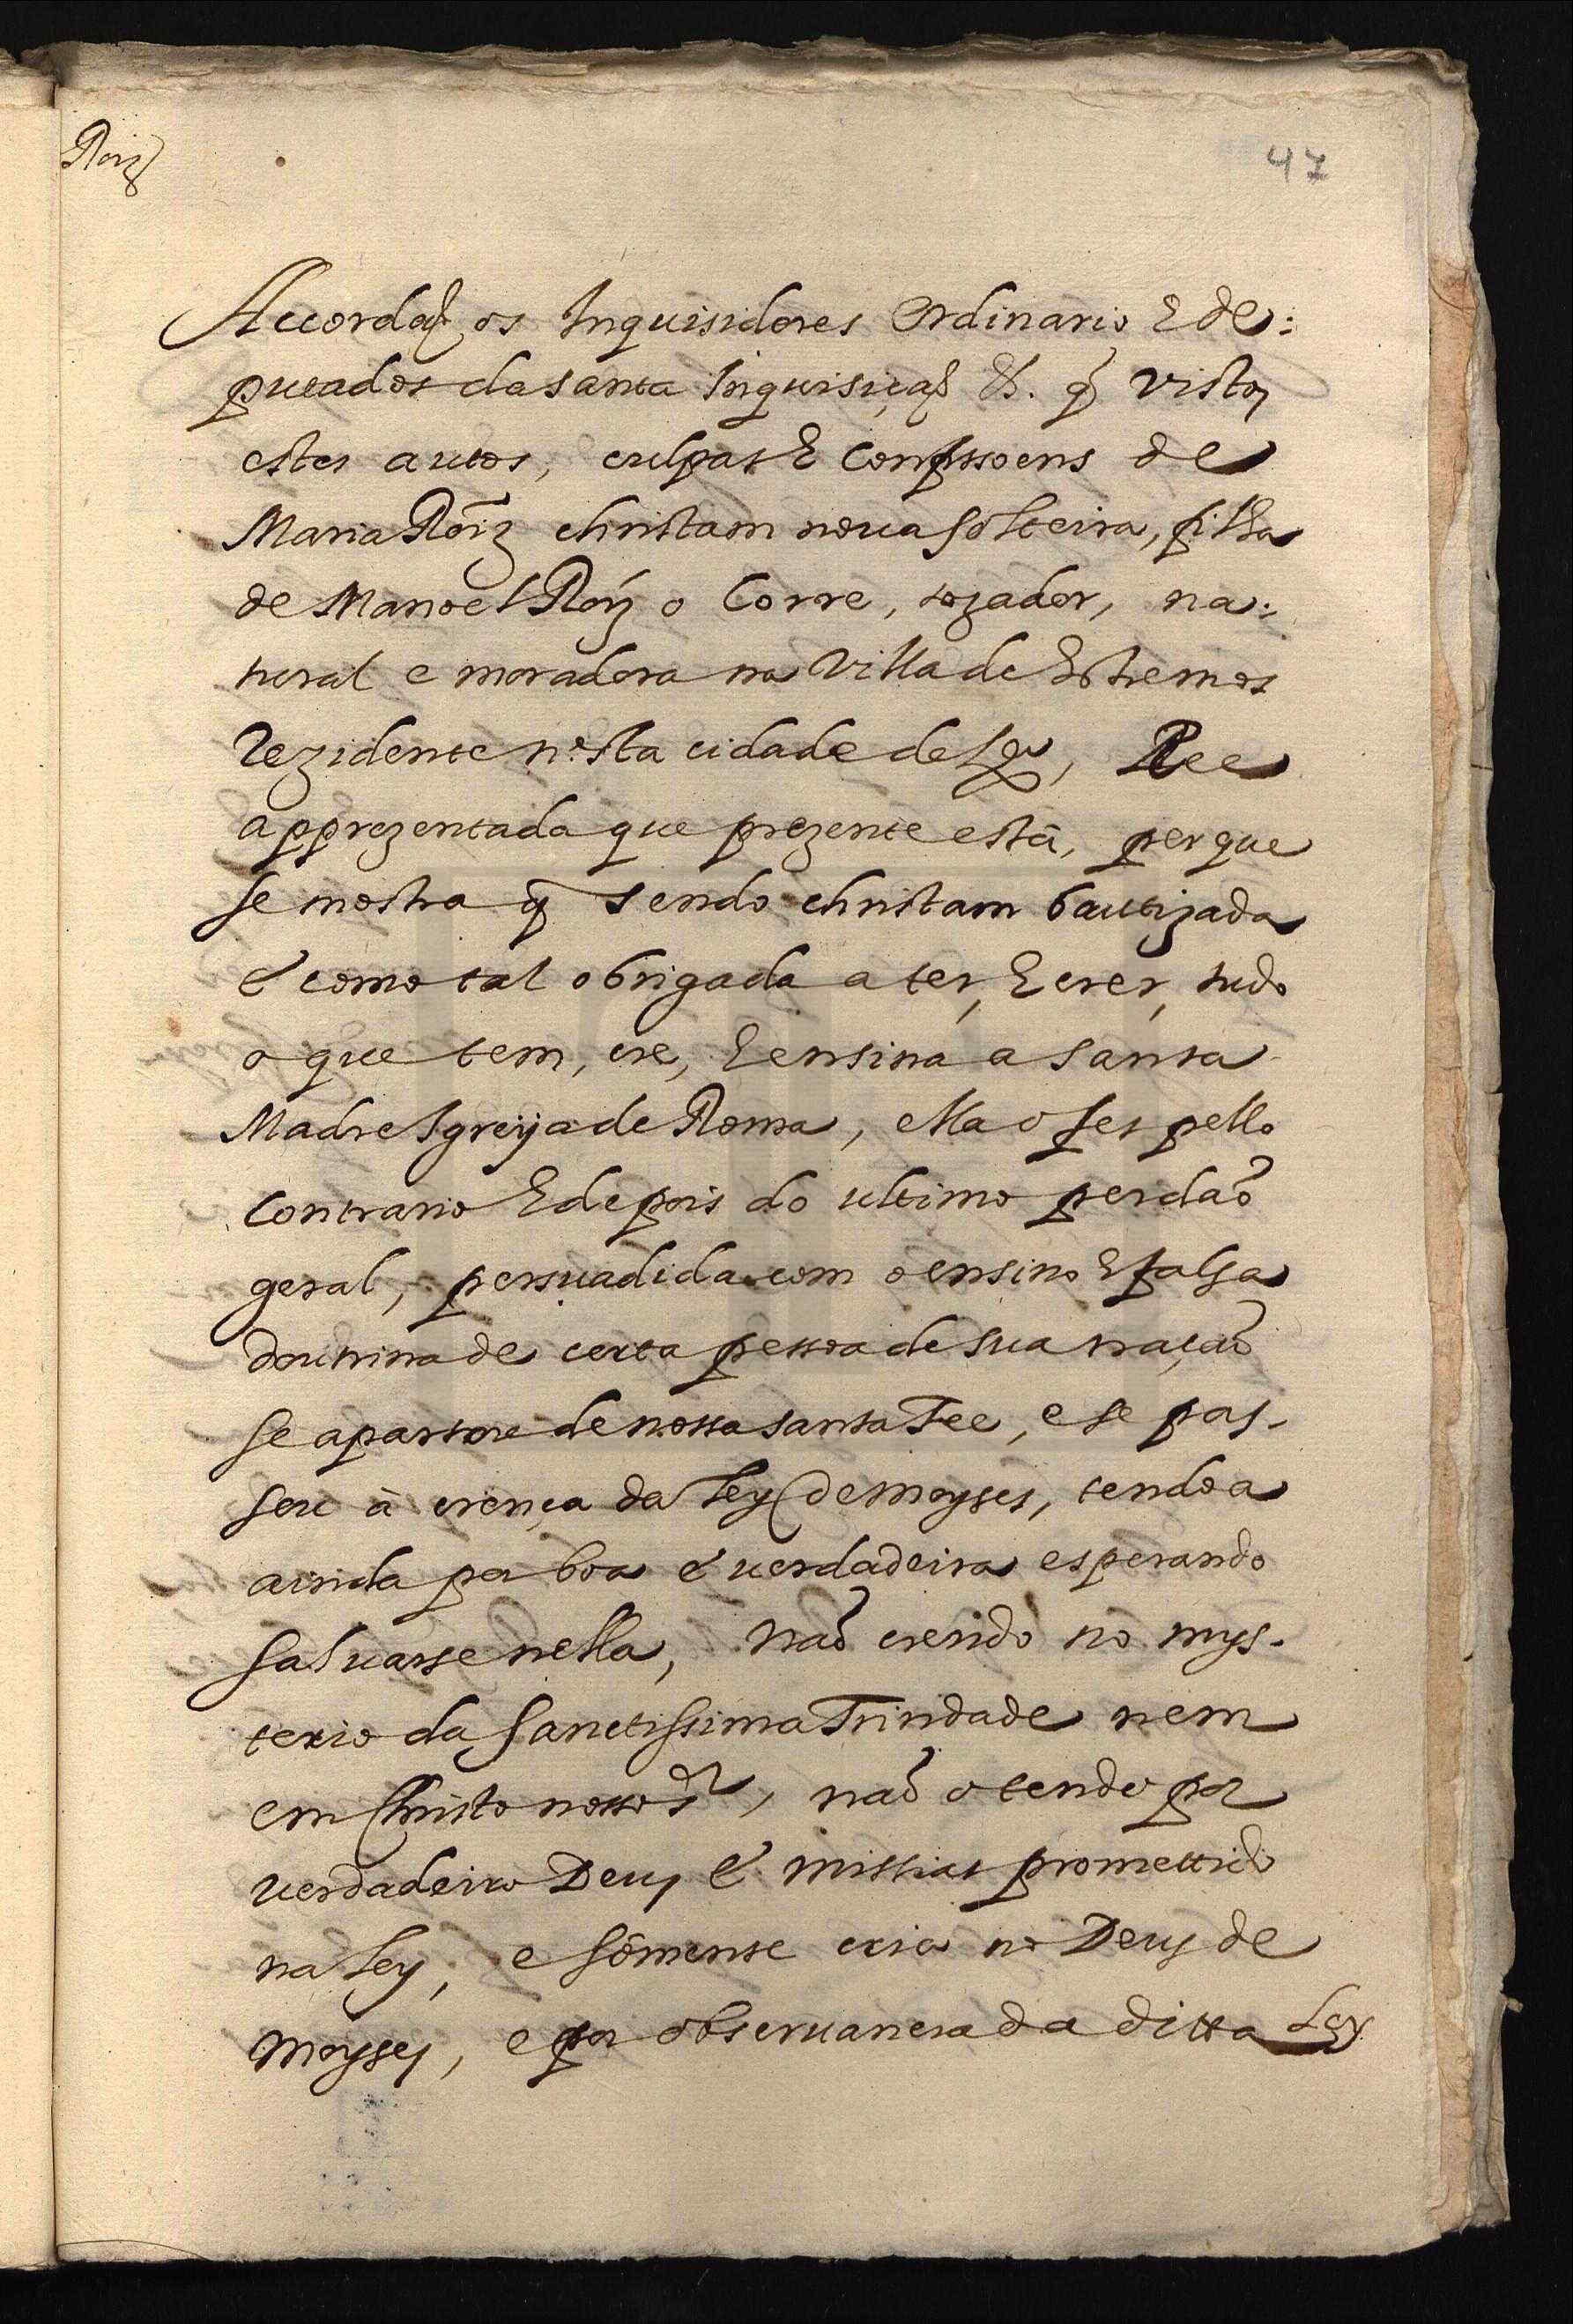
Roiz
Accordaõ os Inquisidores Ordinario E de
putados da santa Inquisiçaõ &. q̄ vistos
estes autos, culpas E confissoens de
Maria Roīz christam noua solteira, filha
de Manoel Roíz o Corre, tozador, na
tural e moradora na villa de Estremos
Rezidente nesta cidade de Lxa, Ree
apprezentada que prezente está, per que
se mostra q̄ sendo christam bautizada
e como tal obrigada a ter, E crer, tudo
o que tem, cre, E ensina a santa
Madre Igreya de Roma, ella o fes pello
contrario E depois do ultimo perdaõ
geral, persuadida com o ensino E falsa
doutrina de certa pessoa de sua naçaõ
se apartou de nossa santa Fee, e se pas
sou à crença da Ley de moyses, tendoa
ainda por boa & uerdadeira esperando
saluarse nella, naõ crendo no mys
terio da Sanctissima Trindade nem
em Christo nosso sor, naõ o tendo por
uerdadeiro Deus & missias promettido
na ley, e sómente cria no Deus de
moyses, e por obseruancia da ditta Ley
